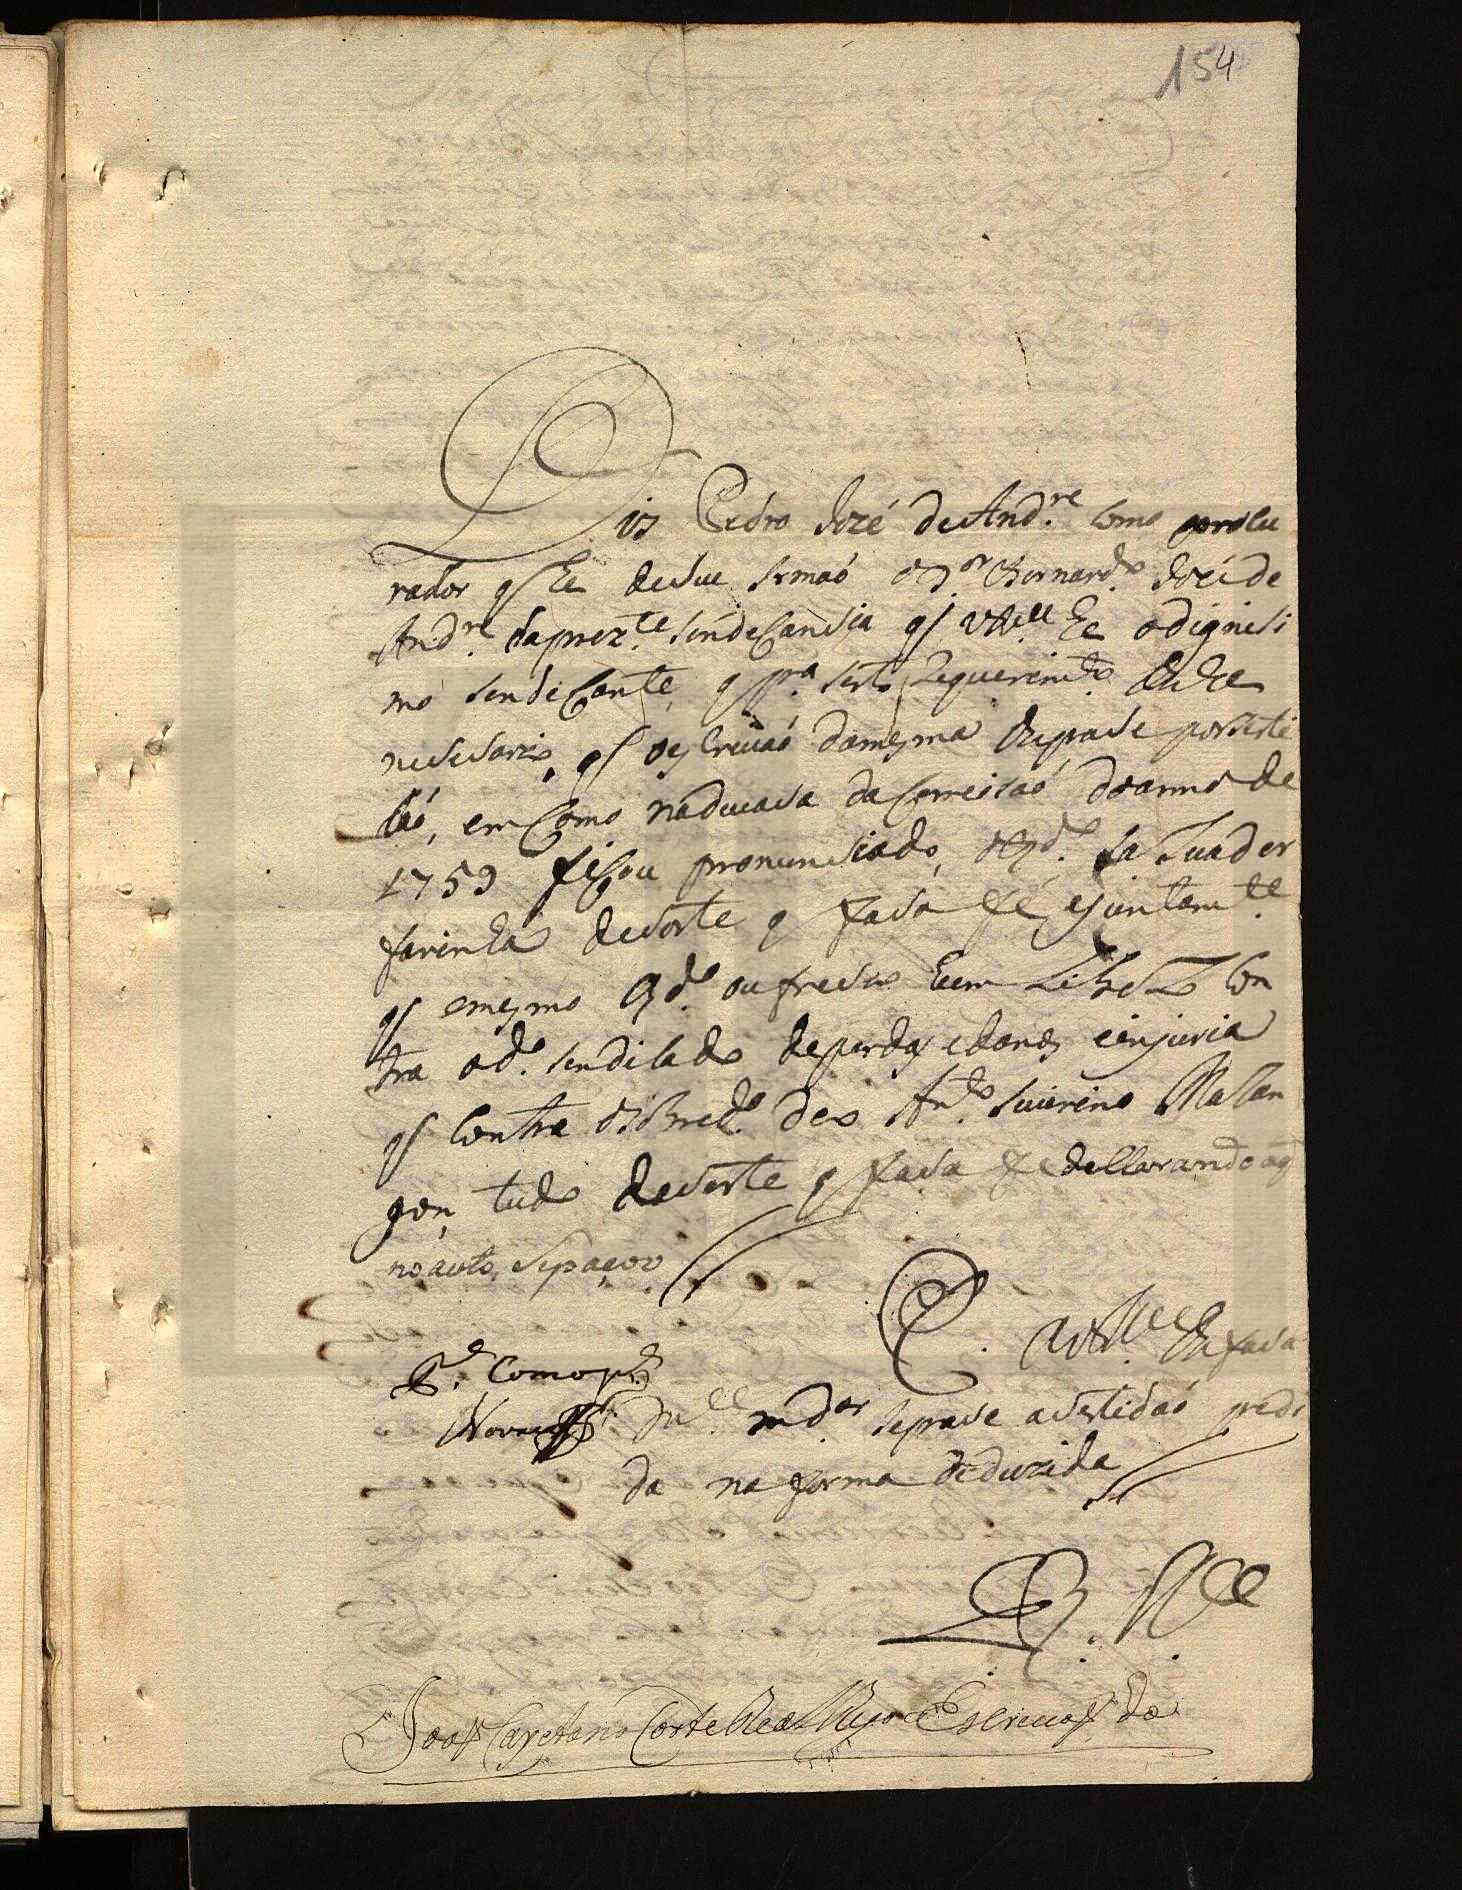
Dis Pedro Iozé de And.re Como porcu
rador q he de seu Irmaõ o s.or Bernard.o Iozé de
And.re da prez.te sendeCansia q VM.ce he o dignisi
mo sendiCante, q p.ra serto Requerem.to Ou he
nesesario, q̄ o esCriuaõ da mesma lhe pase por sesti
daõ, em Como na deuasa da Comeisaõ do anno de
1759 fiCou pronunciado o Rd.o saLuador
farinha de sorte q fasa fée juntam.te
q o mesmo Rd.o oufresao hum LibeLo Con
tra o d.o sendiCado de perdas e danos e injuria
q̄ Contra o sobred.o Reo An.to Seuirino Malan
gon, tudo da sorte q fasa fe declarando o q
no auto se paçou
P. a v M.ce Refasa
P.e Com o pr.o
Novaes m.ce md.os se pase a sertidaõ pedi
da na forma deduzida
E. R. M.ce
Joaõ Cayetano Corte Real Rego Escriuaõ da
